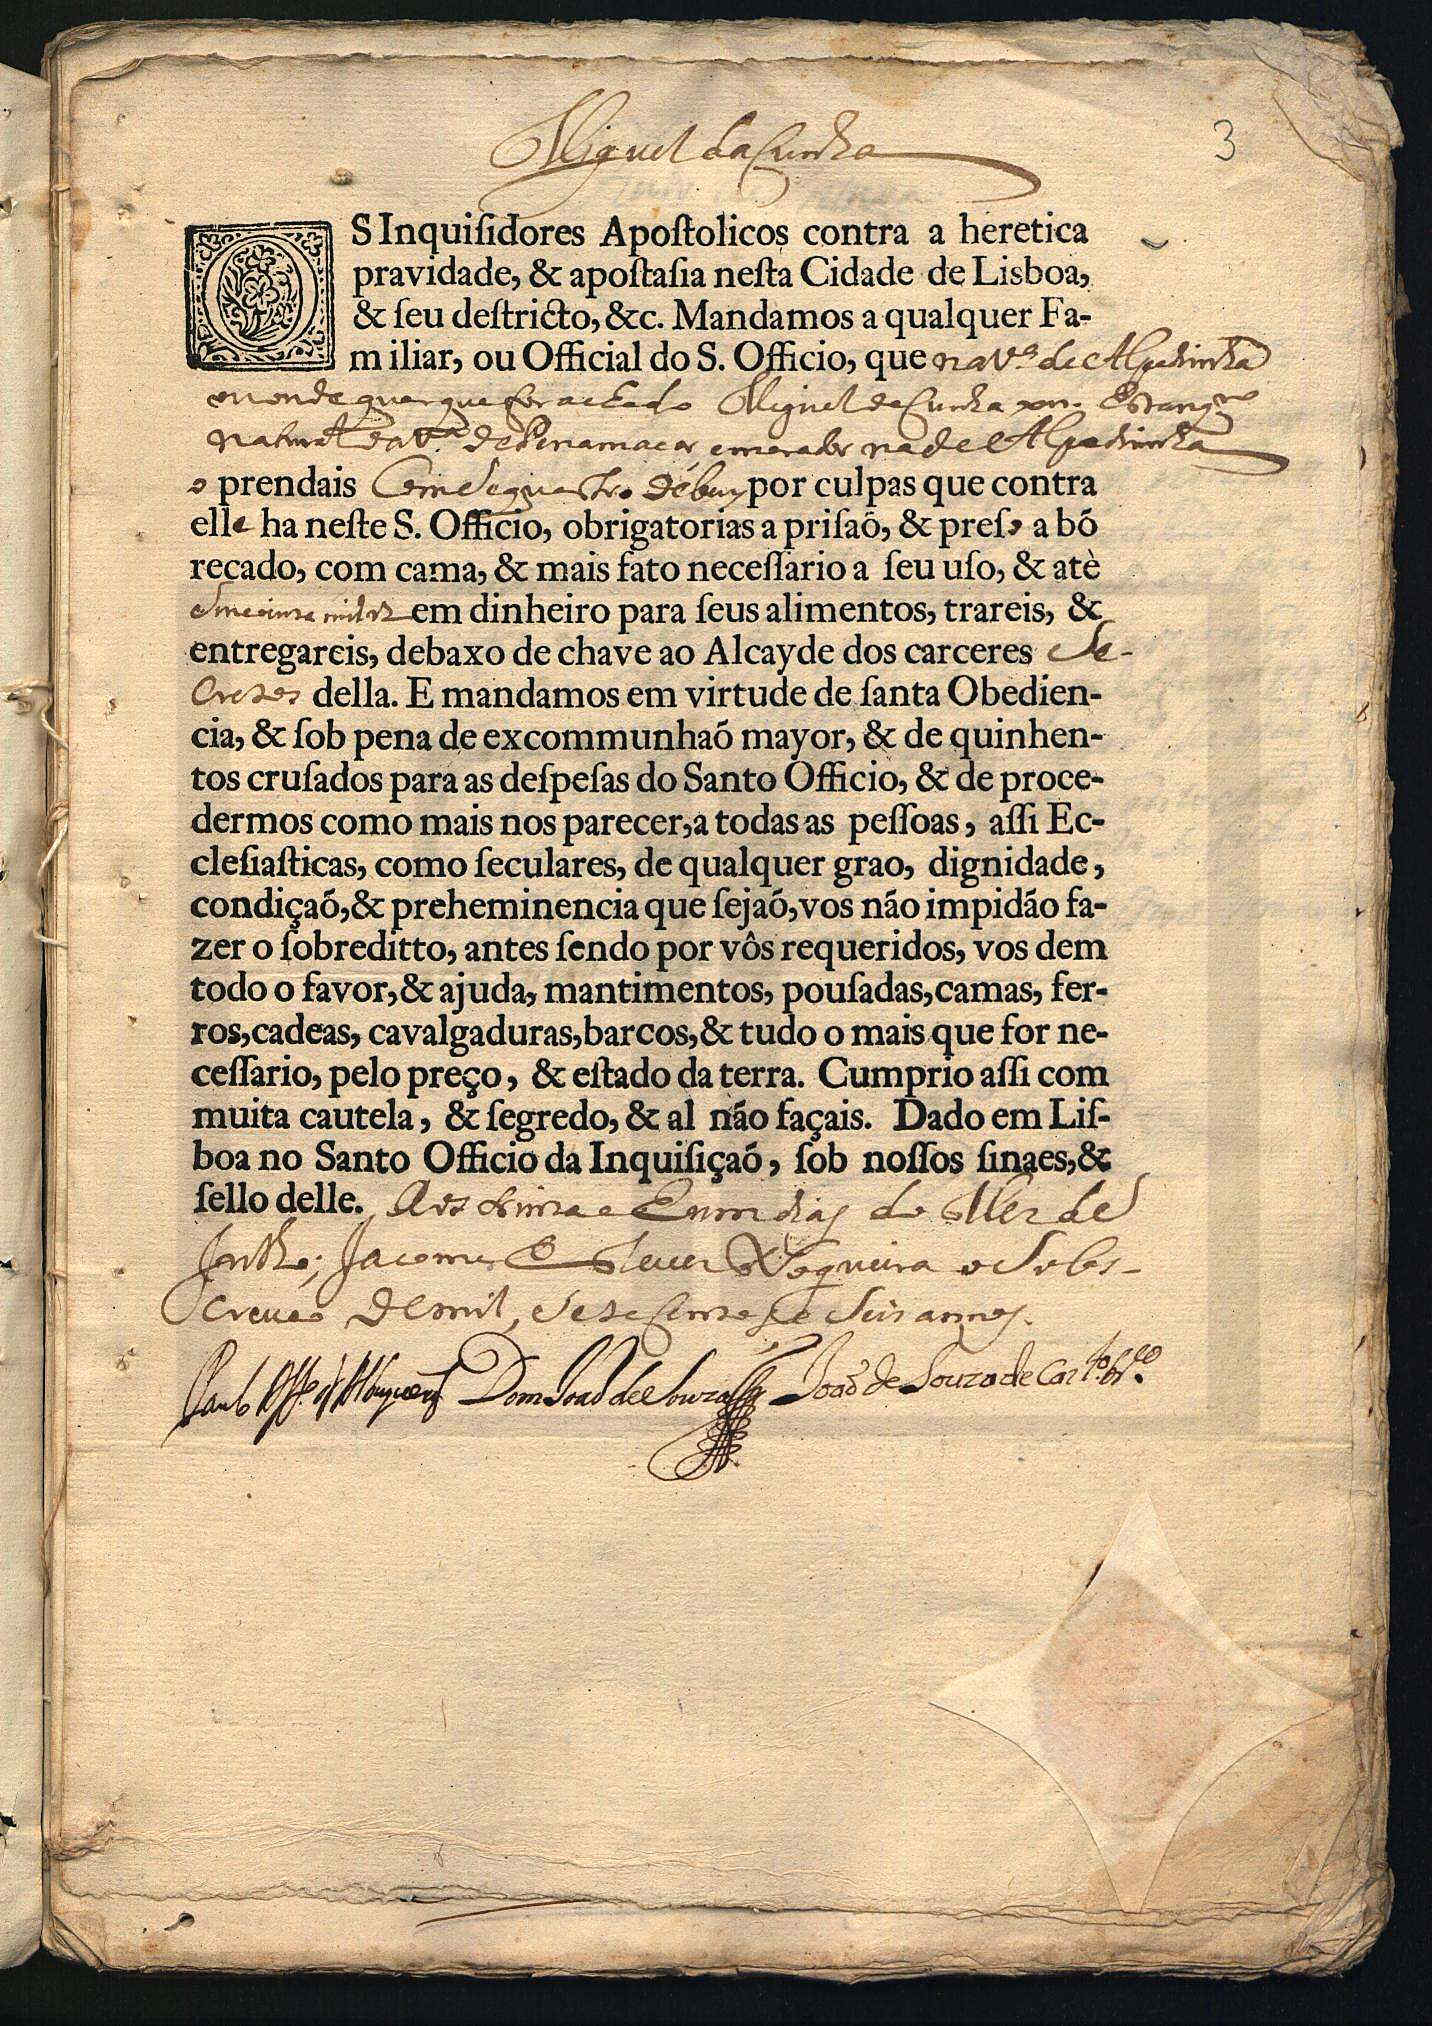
Miguel da Cunha
S Inquisidores Apostolicos contra a heretica
pravidade, & apostasia nesta Cidade de Lisboa,
& seu destricto, &c. Mandamos a qualquer Fa
miliar, ou Official do S. Officio, que na V.a de Alpadrinha
ou onde quer que for achado Miguel da Cunha xn. Estanq.ro
natural da v.a de Penamacor, e morador na de Alpadrinha
o prendais Com Sequestro de bens por culpas que contra
elle ha neste S. Officio, obrigatorias a prisaõ, & preso a bō
recado, com cama, & mais fato necessario a seu uso, & atè
Sincoenta mil rs em dinheiro para seus alimentos, trareis, &
entregareis, debaxo de chave ao Alcayde dos carceres Se
cretos della. E mandamos em virtude de santa Obedien
cia, & sob pena de excommunhaõ mayor, & de quinhen
tos crusados para as despesas do Santo Officio, & de proce
dermos como mais nos parecer, a todas as pessoas, assi Ec
clesiasticas, como seculares, de qualquer grao, dignidade,
condiçaõ, & preheminencia que sejaõ, vos não impidão fa
zer o sobreditto, antes sendo por vôs requeridos, vos dem
todo o favor, & ajuda, mantimentos, pousadas, camas, fer
ros, cadeas, cavalgaduras, barcos, & tudo o mais que for ne
cessario, pelo preço, & estado da terra. Cumprio assi com
muita cautela, & segredo, & al não façais. Dado em Lis
boa no Santo Officio da Inquisiçaõ, sob nossos sinaes, &
sello delle. Aos trinta e hum dias do Mez de
Julho; Jacome Esteues Nogueira o Sobs
creueo de mil, SeteCentos e Seis annos.
Paulo Aff.o d̄ Albuquerq̄ Dom Ioaõ de Souza Ioaõ de Souza de Cast.o br.co
